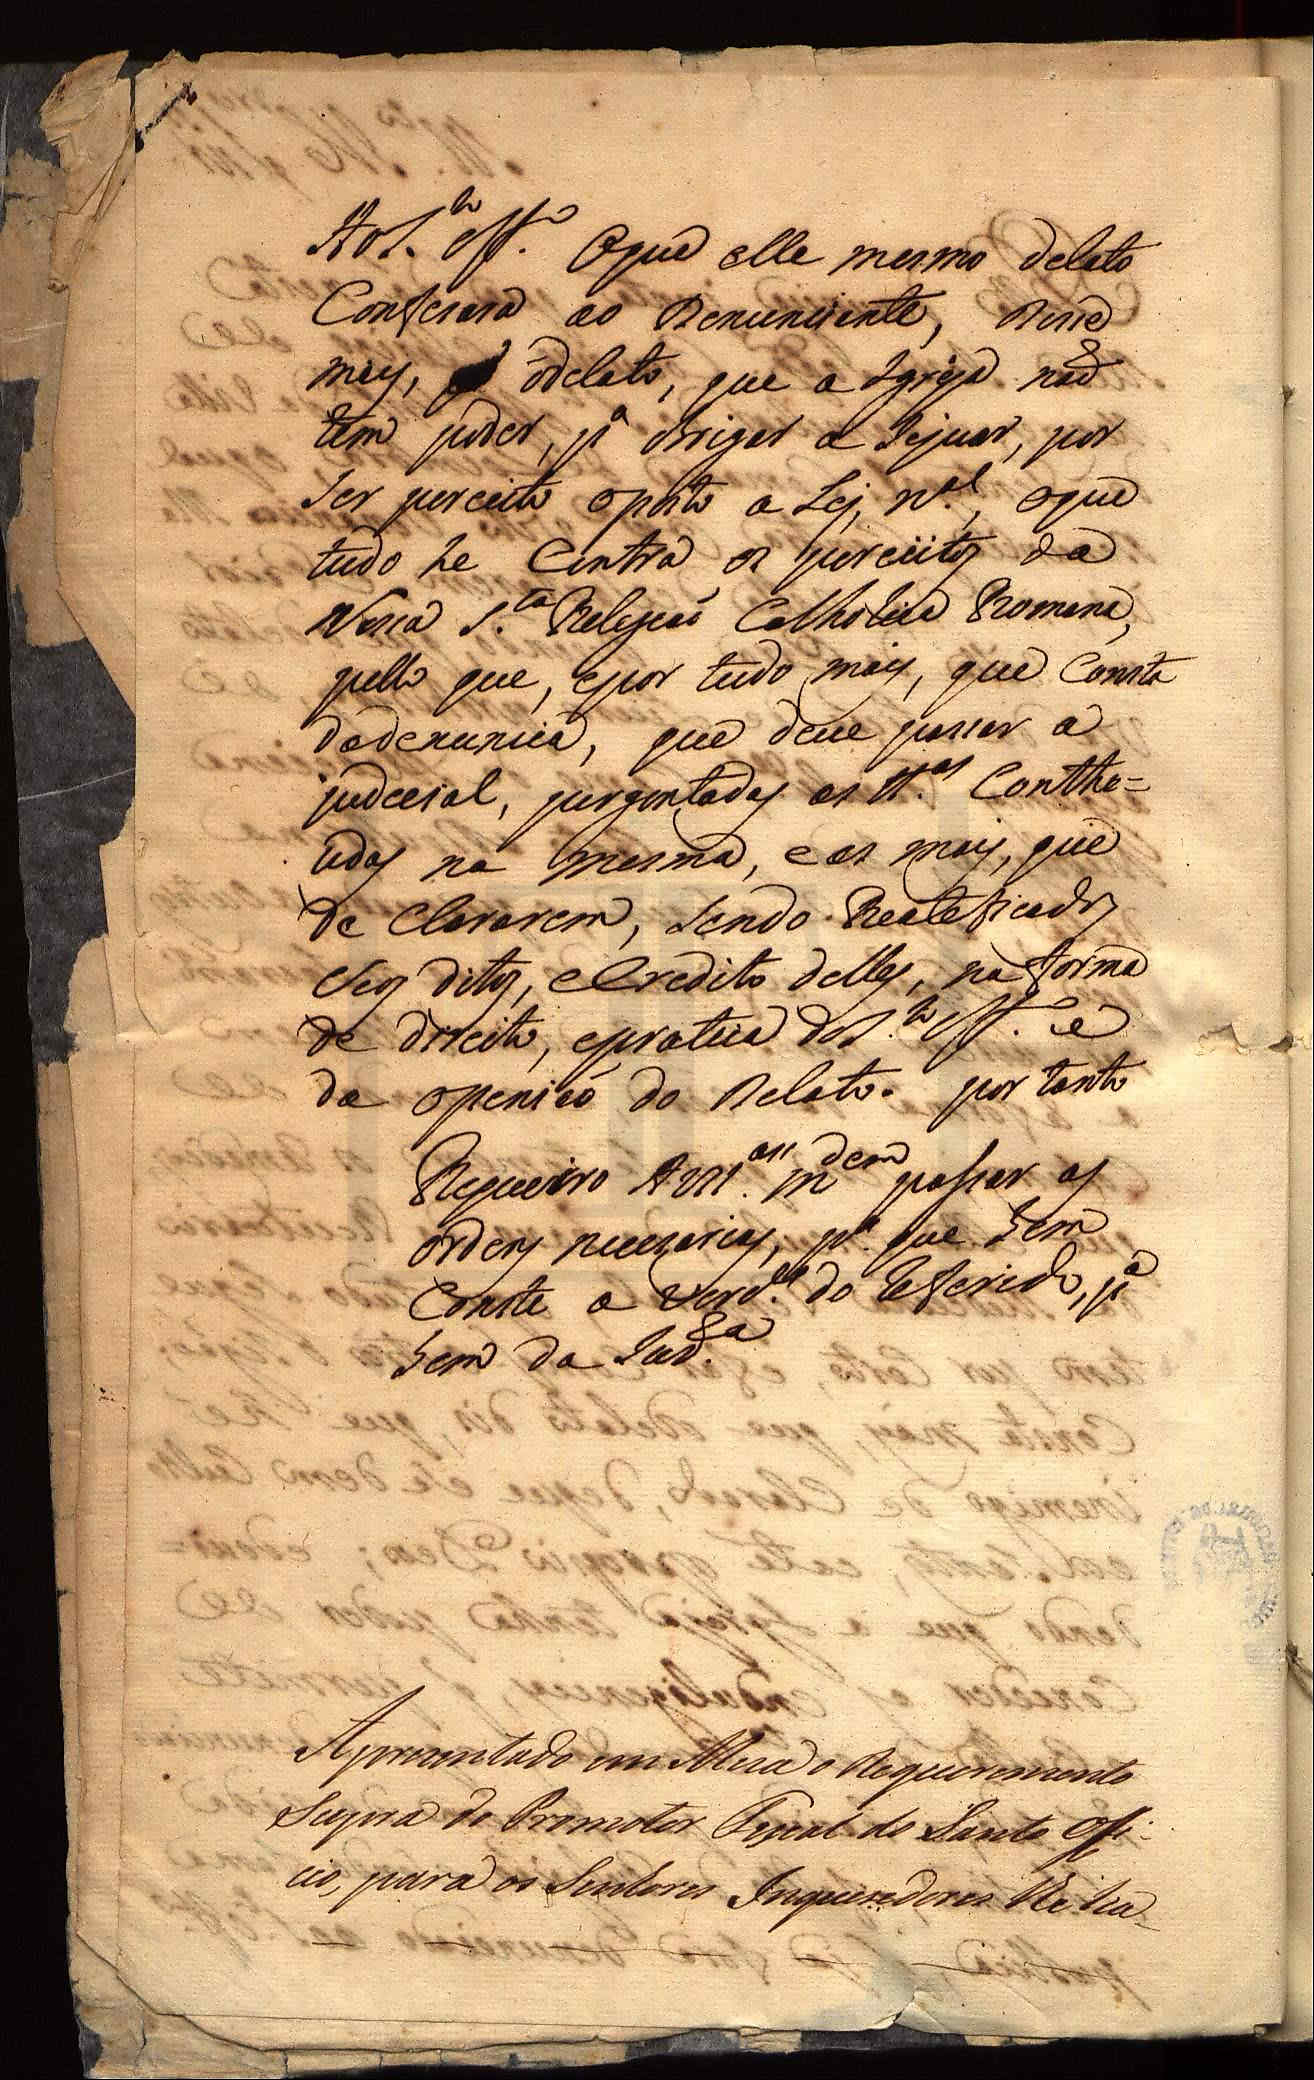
Ao s.to off.o O que elle mesmo delato
Confesara ao Denunciente, Disse
mais, p̄ o delato, que a Igreja naõ
tem poder, p.a obrigar a Iejuar, por
ser perceito oposto a Lej, n.al, o que
tudo he Contra os perceitos da
Nossa s.ta Religiaõ Catholica Romana,
pello que, e por tudo mais, que consta
da denuncia, que deue passar a
judicial, perguntadas as tt.as conthe
udas na mesma, e as mais, que
declararem, sendo Reateficados
seos ditos, e credito delles, na forma
de direito, e pratica do s.to off.o e
da openiaõ do Delato. portanto
Requeiro A vss.as m.dem passar as
ordens necesarias, p.a que bem
conste a verd.e do Referido, p.a
bem da Ius.ça
Aprezentado em Meza o Requeremento
Supra do Promotor Fiscal do Santo Offi
cio, para os Senhores Inquisidores lhe ha
